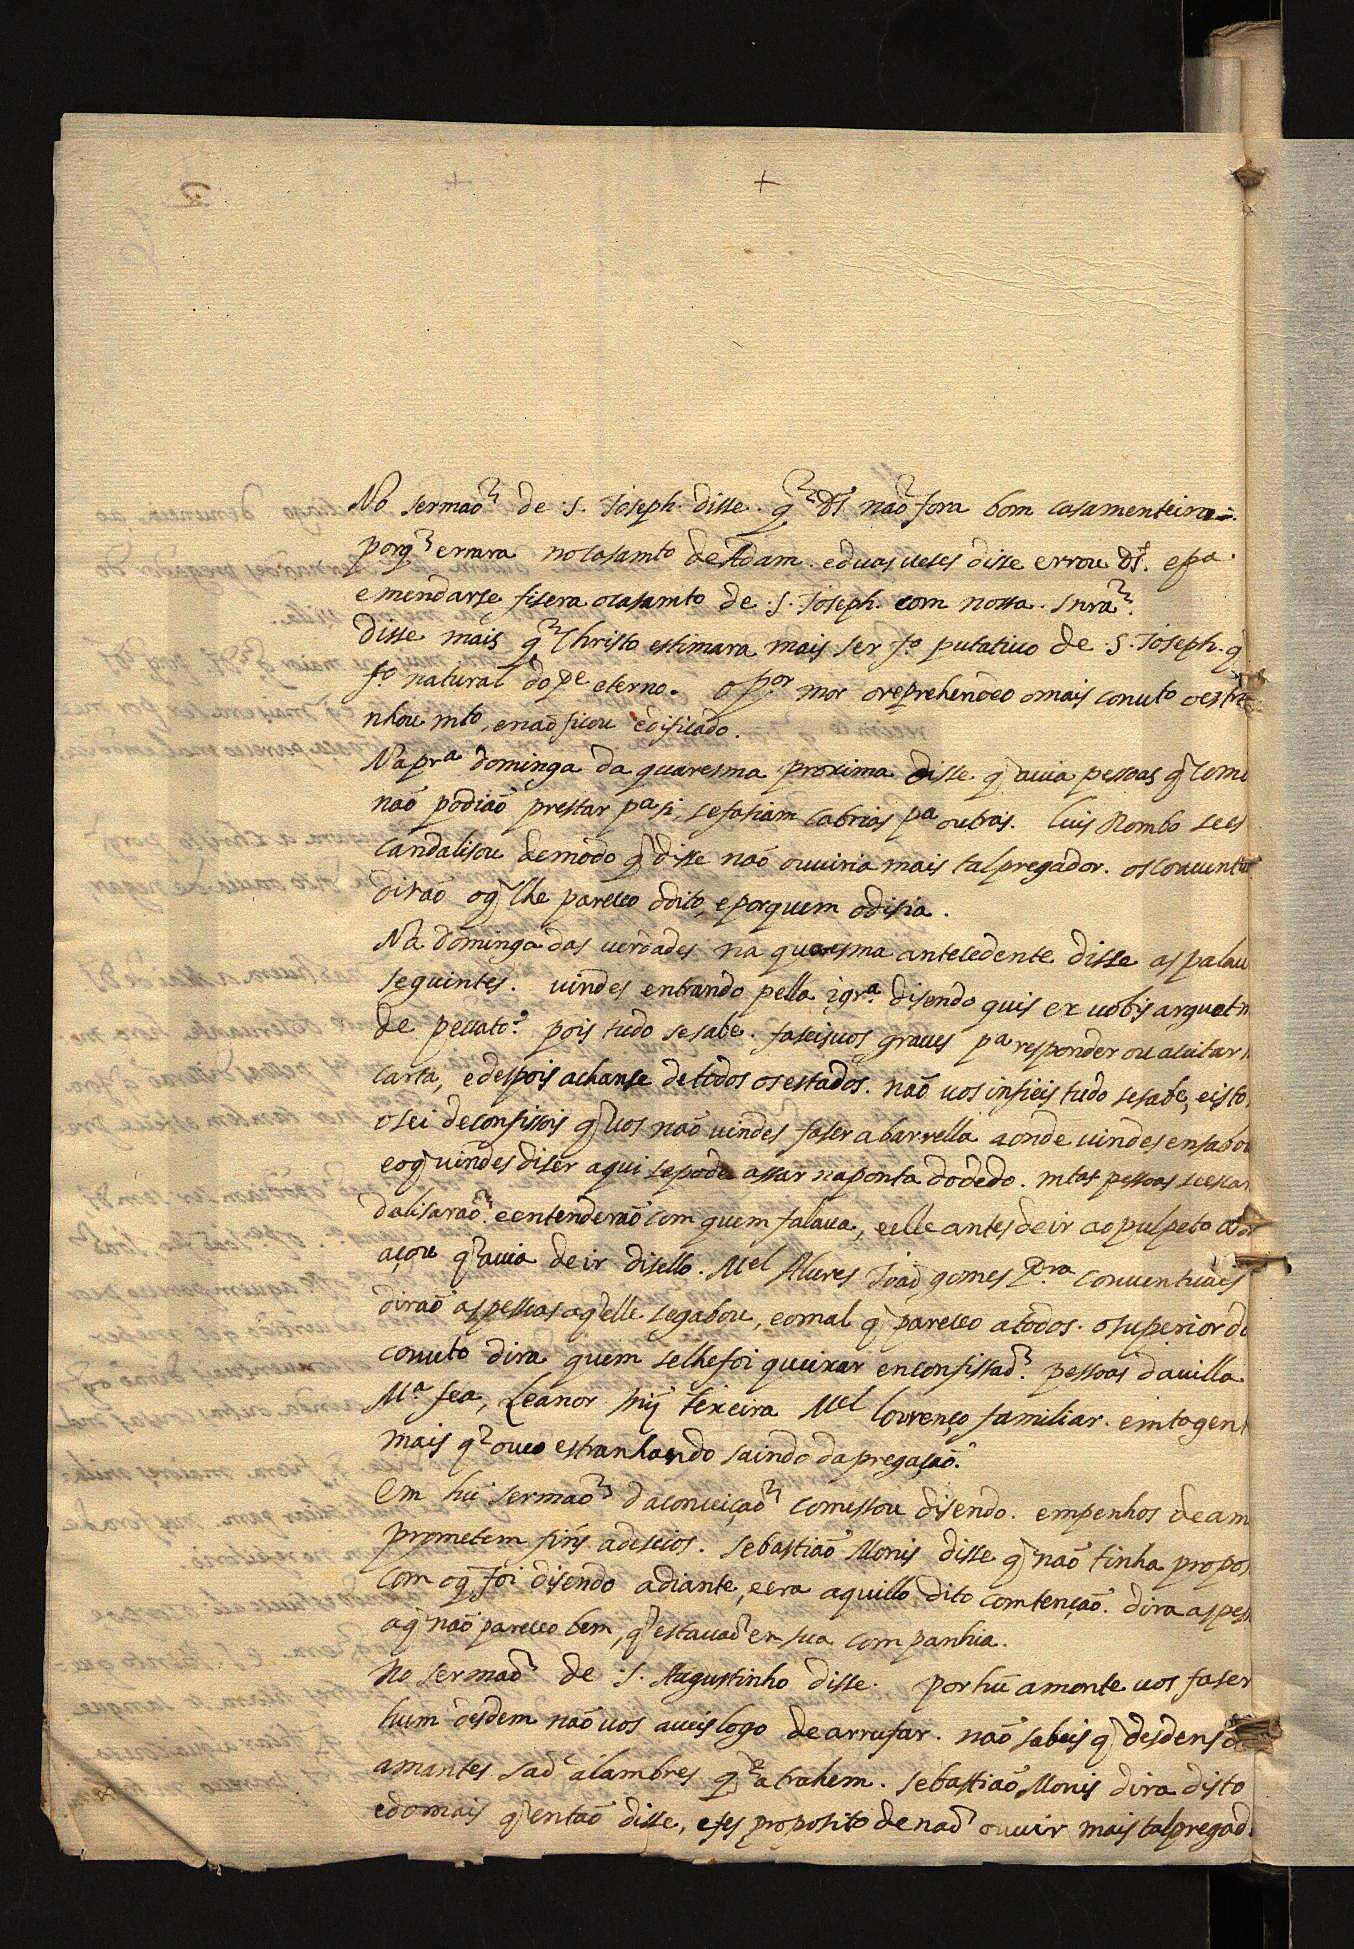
No sermaõ de .S. Ioseph disse q̄ Ds̄ naõ fora bom casamenteiro
porq̄ errara no casamto de Adam e duas ueses disse errou Ds̄ e pa
emendarse fisera o casamto de S. Ioseph. com nossa snrā.
disse mais q̄ Christo estimara mais ser fo putatiuo de S. Ioseph q̄
f.o natural do Pe eterno. o p.or mor o reprehendeo o mais conuto o estra
nhou mto, e não ficou edificado.
Na pra dominga da quaresma proxima disse q̄ auia pessoas q̄ como
naõ podiaõ prestar pa si, se fasiam cabrias pa outras. Luis Rombo se es
candalizou de modo q̄ disse naõ ouuiria mais tal pregador. os conuentu
diraõ o q̄ lhe pareceo o dito, e por quem o disia.
Na dominga das uerdades na quaresma antecedente disse as palau
seguintes. uindes entrando pella igra. disendo quis ex uobis arguet
de peccato? pois tudo se sabe. faseiuos graues pa responder ou aceitar
carta, e despois achanse de todos os estados, naõ uos infieis tudo se sabe, e isto
o sei de confissois q̄ uos naõ uindes faser a barrella aonde uindes ensabo
e o q̄ uindes diser aqui se pode assar na ponta do dedo. mtas pessoas se esca
dalisaraõ e entenderaõ com quem falaua, e elle antes de ir ao pulpeto
açou q̄ auia de ir disello. Mel Alures Ioaõ gomes P.ra conuentuaes
diraõ as pessoas a q̄ elle se gabou, e o mal q̄ pareceo a todos. o superior do
conuto dira quem se lhe foi queixar en confissaõ. pessoas da uilla
M.a fea, Leanor Miz̄ texeira Mel lourenço familiar e mta gen
mais q̄ o ueo estranhando saindo da pregasaõ.
Em hū sermaõ da conceiçaõ comessou disendo empenhos de am
prometera fins a deseios. sebastiaõ Monis disse q̄ naõ tinha propos
com o q̄ foi disendo adiante, e era aquillo dito com tençaõ. dira as pess
a q̄ naõ pareceo bem, q̄ estauaõ em sua companhia.
No sermaõ de S. Augustinho disse. por hū amante uos faser
hum desdem naõ uos aueis logo de arrufar. não sabeis q̄ desdens
amantes saõ alambres q̄ atrahem. sebastiaõ Monis dira disto
e do mais q̄ entaõ disse, e fes proposito de naõ ouuir mais tal pregad
